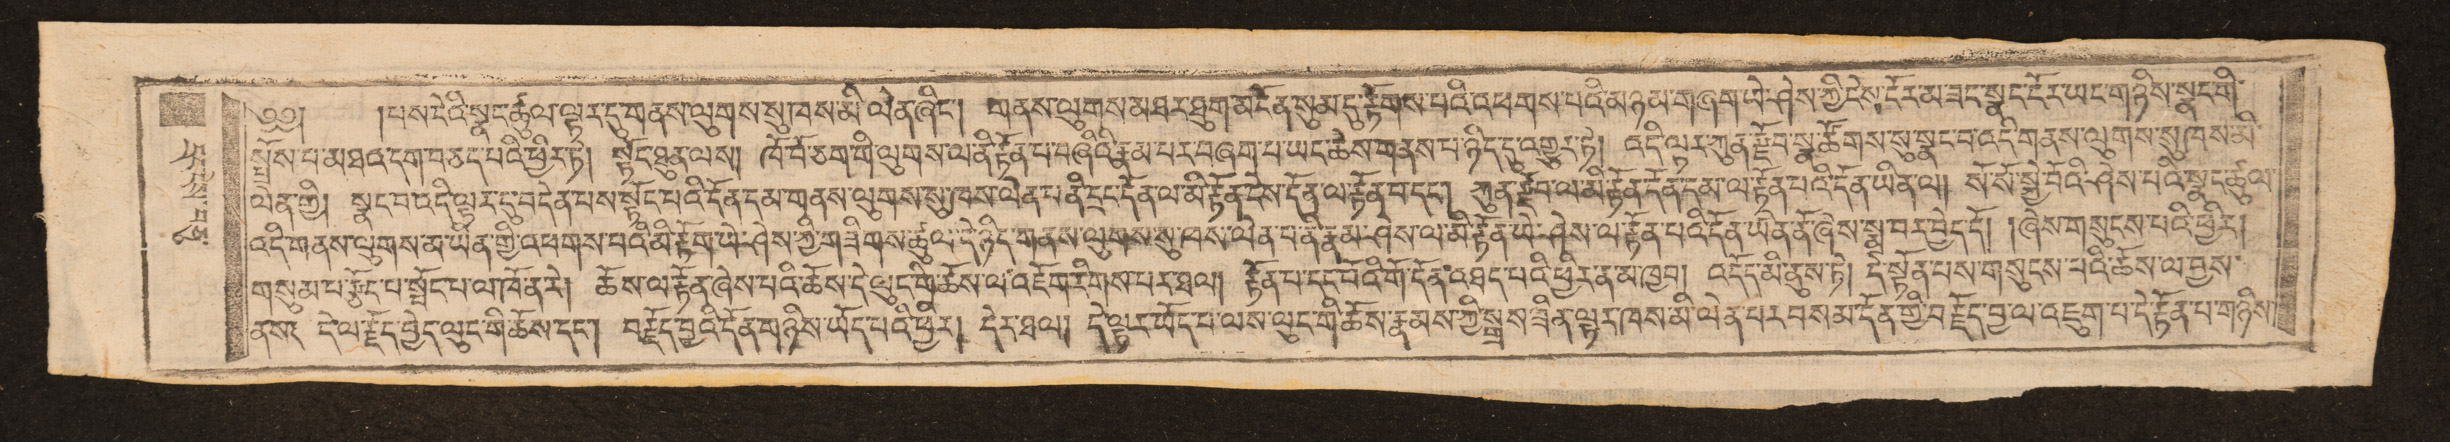༄༅། །པས་དེའི་སྣང་ཚུལ་ལྟར་དུ་གནས་ལུགས་སུ་ཁས་མི་ལེན་ཞིང་། གནས་ལུགས་མཐར་ཐུག་མངོན་སུམ་དུ་རྟོགས་པའི་འཕགས་པའི་མཉམ་གཞག་ཡེ་ཤེས་ཀྱི་ངེས་ངོར་མ་ཟད་སྣང་ངོར་ཡང་གཉིས་སྣང་གི་
སྤྲོས་པ་མཐའ་དག་བཅད་པའི་ཕྱིར་ཏེ། སྟོང་ཐུན་ལས། ཁོ་བོ་ཅག་གི་ལུགས་ལ་ནི་རྟོན་པ་བཞིའི་རྣམ་པར་བཞག་པ་ཡང་ཆེས་གནས་པ་ཉིད་དུ་འགྱུར་ཏེ། འདི་ལྟར་ཀུན་རྫོབ་སྣ་ཚོགས་སུ་སྣང་བ་འདི་གནས་ལུགས་སུ་ཁས་མི་
ལེན་གྱི། སྣང་བ་འདི་ལྟར་དུ་བདེན་པས་སྟོང་བའི་དོན་དམ་གནས་ལུགས་སུ་ཁས་ལེན་པ་ནི་དྲང་དོན་ལ་མི་རྟོན་ངེས་དོན་ལ་རྟོན་པ་དང་། ཀུན་རྫོབ་ལ་མི་རྟོན་དོན་དམ་ལ་རྟོན་པའི་དོན་ཡིན་ལ། སོ་སོ་སྐྱེ་བོའི་ཤེས་པའི་སྣང་ཚུལ་
འདི་གནས་ལུགས་མ་ཡིན་གྱི་འཕགས་པའི་མི་རྟོག་ཡེ་ཤེས་ཀྱི་གཟིགས་ཚུལ་དེ་ཉིད་གནས་ལུགས་སུ་ཁས་ལེན་པ་ནི་རྣམ་ཤེས་ལ་མི་རྟོན་ཡེ་ཤེས་ལ་རྟོན་པའི་དོན་ཡིན་ནོ་ཞེས་སྨྲ་བར་བྱེད་དོ། །ཞེས་གསུངས་པའི་ཕྱིར།
གསུམ་པ་རྩོད་པ་སྤོང་བ་ལ་ཁོ་ན་རེ། ཆོས་ལ་རྟོན་ཞེས་པའི་ཆོས་དེ་ལུང་གི་ཆོས་ལ་འཇོག་རིགས་པར་ཐལ། རྟོན་པ་དང་པོའི་གོ་དོན་འཐད་པའི་ཕྱིར་ན་མ་ཁྱབ། འདོད་མི་ནུས་ཏེ། དེ་སྟོན་པས་གསུངས་པའི་ཆོས་ལ་བྱས་
ནས༑ དེ་ལ་རྗོད་བྱེད་ལུང་གི་ཆོས་དང་། བརྗོད་བྱའི་དོན་གཉིས་ཡོད་པའི་ཕྱིར། དེར་ཐལ། དེ་ལྟར་ཡོད་པ་ལས་ལུང་གི་ཆོས་རྣམས་ཀྱི་སྒྲས་ཟིན་ལྟར་ཁས་མི་ལེན་པར་བསམ་དོན་གྱི་བརྗོད་བྱ་ལ་འཇུག་པ་དེ་རྟོན་པ་གཉིས་